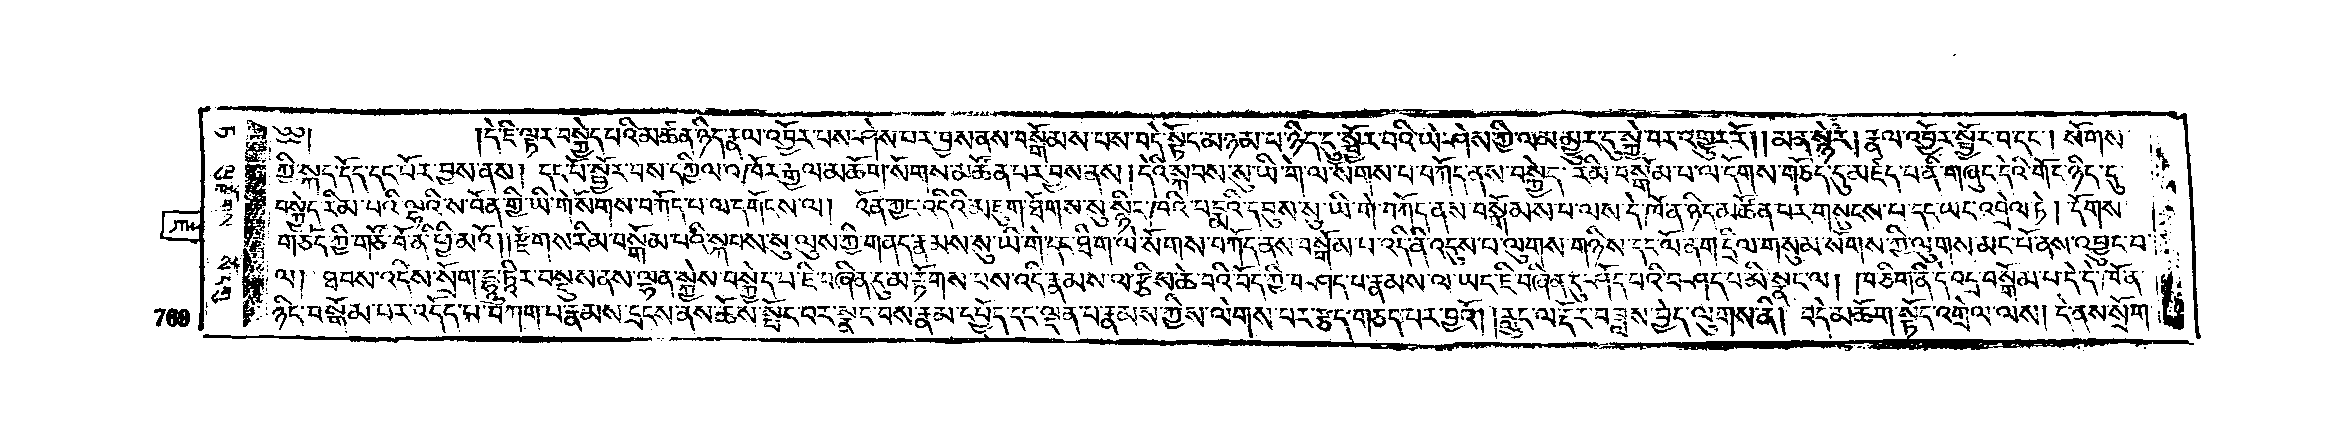༄༅། །དེ་ཇི་ལྟར་བསྐྱེད་པའི་མཚན་ཉིད་རྣལ་འབྱོར་པས་ཤེས་པར་བྱས་ནས་བསྒོམས་པས་བདེ་སྟོང་མཉམ་པ་ཉིད་དུ་སྦྱོར་བའི་ཡེ་ཤེས་ཀྱི་ལམ་མྱུར་དུ་སྐྱེ་བར་འགྱུར་རོ། །མན་སྙེར། རྣལ་འབྱོར་སྦྱོར་བ་དང་། སོགས་
ཀྱི་སྐད་དོད་དང་པོར་བྱས་ནས། དང་པོ་སྦྱོར་བས་དཀྱིལ་འཁོར་རྒྱལ་མཆོག་སོགས་མཚོན་པར་བྱས་ནས། དེའི་སྐབས་སུ་ཡི་གེ་ལ་སོགས་པ་བཀོད་ནས་བསྐྱེད་རིམ་བསྒོམ་པ་ལ་དོགས་གཅོད་དུ་མཛད་པ་ནི་གཞུང་དེའི་གོང་ཉིད་དུ་
བསྐྱེད་རིམ་པའི་ལྷའི་ས་བོན་གྱི་ཡི་གེ་སོགས་བཀོད་པ་ལ་དགོངས་ལ། འོན་ཀྱང་འདིའི་མཇུག་ཐོགས་སུ་སྙིང་ཁའི་པདམའི་དབུས་སུ་ཡི་གེ་བཀོད་ནས་བསྒོམས་པ་ལས་དེ་ཁོ་ན་ཉིད་མཚོན་པར་གསུངས་པ་དང་ཡང་འབྲེལ་ཏེ། དོགས་
གཅོད་ཀྱི་གཙོ་བོ་ནི་ཕྱི་མའོ། །རྫོགས་རིམ་བསྒོམ་པའི་སྐབས་སུ་ལུས་ཀྱི་གནད་རྣམས་སུ་ཡི་གེ་དང་ཐིག་ལེ་སོགས་བཀོད་ནས་བསྒོམ་པ་འདི་ནི་འདུས་པ་ལུགས་གཉིས་དང་ལོ་ནག་དྲིལ་གསུམ་སོགས་ཀྱི་ལུགས་མང་པོ་ནས་འབྱུང་བ་
ལ། །ཐབས་འདིས་སྲོག་དྷཱུ་ཏཱིར་བསྡུས་ནས་ལྷན་སྐྱེས་བསྐྱེད་པ་ཇི་བཞིན་དུ་མ་རྟོགས་པས་འདི་རྣམས་ལ་རྩིས་ཆེ་བའི་བོད་ཀྱི་བཤད་པ་རྣམས་ལ་ཡང་ཇི་བཞིན་དུ་ཤོད་པའི་བཤད་པ་མི་སྣང་ལ། ཁ་ཅིག་ནི་དེ་འདྲ་བསྒོམ་པ་དེ་དེ་ཁོ་ན་
ཉིད་བསྒོམ་པར་འདོད་པ་བཀག་པ་རྣམས་དྲངས་ནས་ཆོས་སྤོང་བར་སྣང་བས་རྣམ་དཔྱོད་དང་ལྡན་པ་རྣམས་ཀྱིས་ལེགས་པར་རྩད་གཅད་པར་བྱའོ། །རླུང་ལ་རྡོར་བཟླས་བྱེད་ལུགས་ནི། བདེ་མཆོག་སྟོད་འགྲེལ་ལས། དེ་ནས་སྲོག་